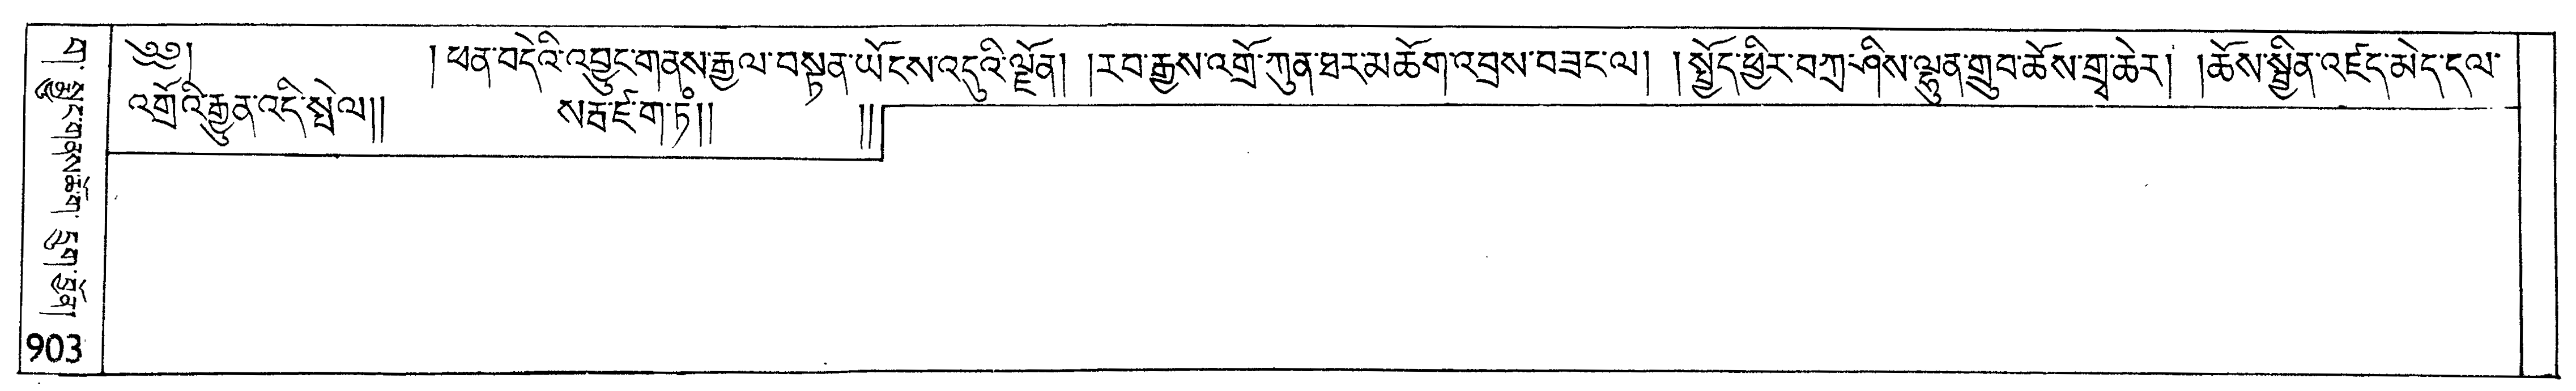༄༅། །ཕན་བདེའི་འབྱུང་གནས་རྒྱལ་བསྟན་ཡོངས་འདུའི་ལྗོན། །རབ་རྒྱས་འགྲོ་ཀུན་ཐར་མཆོག་འབྲས་བཟང་ལ། །སྤྱོད་ཕྱིར་བཀྲ་ཤིས་ལྷུན་གྲུབ་ཆོས་གྲྭ་ཆེར། །ཆོས་སྦྱིན་འཛད་མེད་དལ་
འགྲོའི་རྒྱུན་འདི་སྤེལ། སརྦ་ཛ་ག་ཏཾ།། །